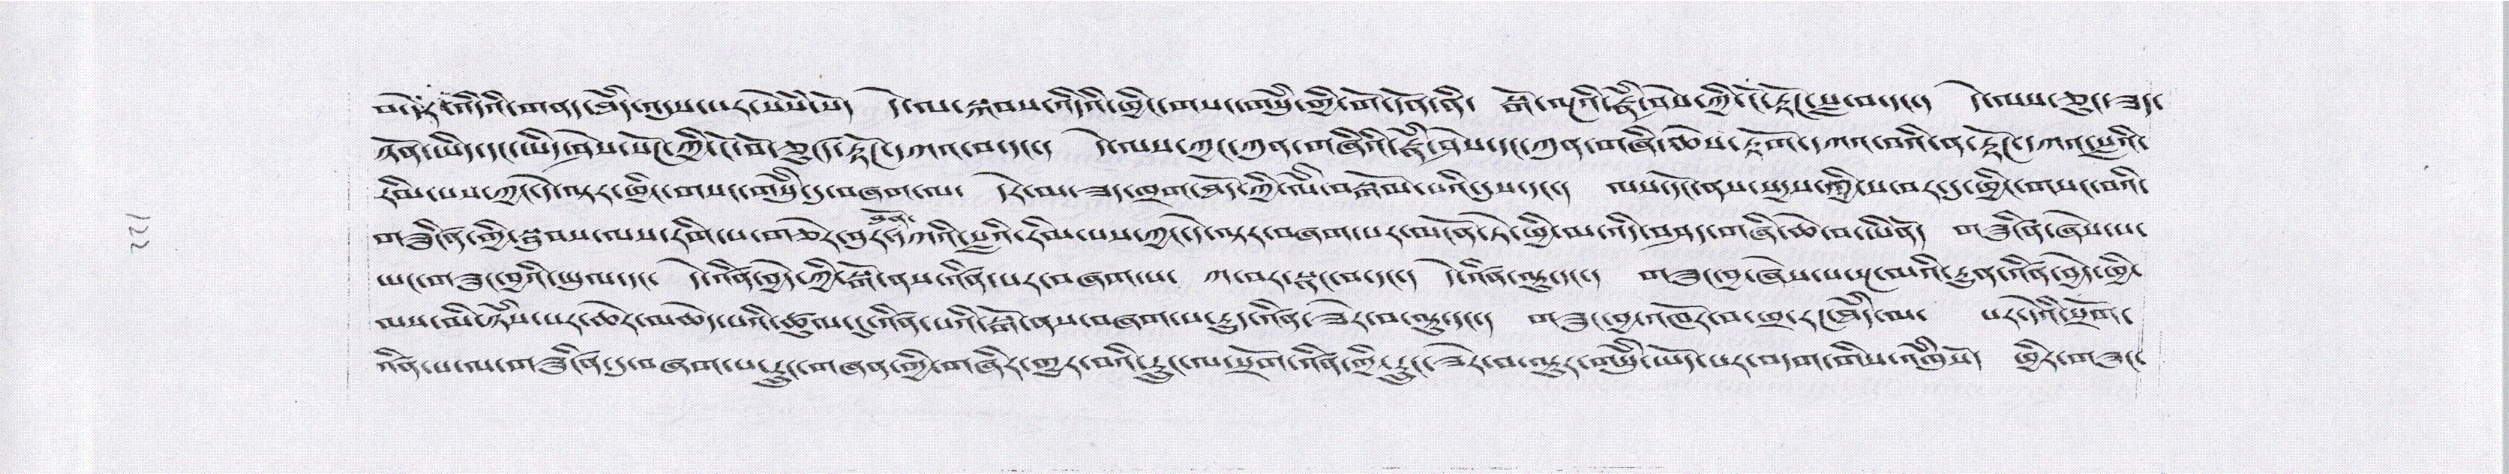མེད་པར་འདིའི་གནད་ཐམས་ཅད་འདུས་པར་སེམས་སོ། དེ་ལ་སྐབས་འདིའི་ཕྱི་ནང་གསང་གསུམ་གྱི་གོ་དོན་ནི། སྒོ་ལྔའི་རྣམ་ཤེས་ཀྱི་ངོ་བོ་རྟོགས་སླ་བ་དང་། དེ་ལས་ཅུང་ཟད་
ཉོན་ཡིད་དང་ཡིད་ཤེས་སོགས་ཀྱི་ངོ་བོ་ཅུང་ཟད་རྟོགས་དཀའ་བ་དང་། དེ་ལས་ཀྱང་ཀུན་གཞིའི་རྣམ་ཤེས་དང་ཀུན་གཞི་ཆེས་རྟོགས་དཀའ་བས་ན་རྟོགས་དཀའ་སླའི་
རིམ་པས་ཀྱང་དེ་ལྟར་ཕྱི་ནང་གསང་གསུམ་དུ་བཞག་ལ། དེར་མ་ཟད་ཁྲེག་ཆོད་ཀྱི་ལམ་བསྒོམ་པའི་དུས་དང་། ལམ་དང་པོ་ནས་སངས་རྒྱས་ཀྱི་ས་བར་དུ་ཕྱི་ནང་གསང་བའི་
གཟུང་འཛིན་གྱི་སྦུབས་ལས་རིག་པ་གཅེར་བུར་ཐོན་དཀའ་སླའི་རིམ་པས་ཀྱང་དེ་ལྟར་བཞག་པར་མངོན་ཏེ་ཕྱི་མ་འདི་བཤད་གཞི་ཆེ་བ་ཡིན་ནོ། གཟུང་འཛིན་ཞེས་པ་
ཡང་གཟུང་བྱའི་ཡུལ་དང་། དེ་འཛིན་བྱེད་ཀྱི་སྒོ་ནས་འཛིན་པར་བཞག་པ། ཀ་བར་བ་སྣང་བ་དང་། དེ་འཛིན་ལྟ་བུ་དང་། གཟུང་བྱ་ཞེས་པ་སྔ་མའི་རྒྱུན་འཛིན་བྱེད་ཕྱི་
མས་མི་ཉམས་པར་ཆེར་མཆེད་པའི་ཚུལ་དུ་འཛིན་པའི་སྒོ་ནས་བཞག་པ་རྒྱུད་འཛིན་ཟེར་བ་ལྟ་བུ་དང་། གཟུང་བྱ་འཁོར་བ་ཕྲ་རགས་ཐམས་ཅད་ལ། བར་དོའི་སྲོག་
འཛིན་པ་ལ་གཟུང་འཛིན་དུ་བཞག་པ་རླུང་གཞན་གྱི་གཞིར་གྱུར་པའི་རླུང་ལ་སྲོག་འཛིན་གྱི་རླུང་ཟེར་བ་ལྟ་བུར་གསུམ་ཡོད་པ་བདག་གིས་འཁུམས་སོ། སྤྱིར་གཟུང་